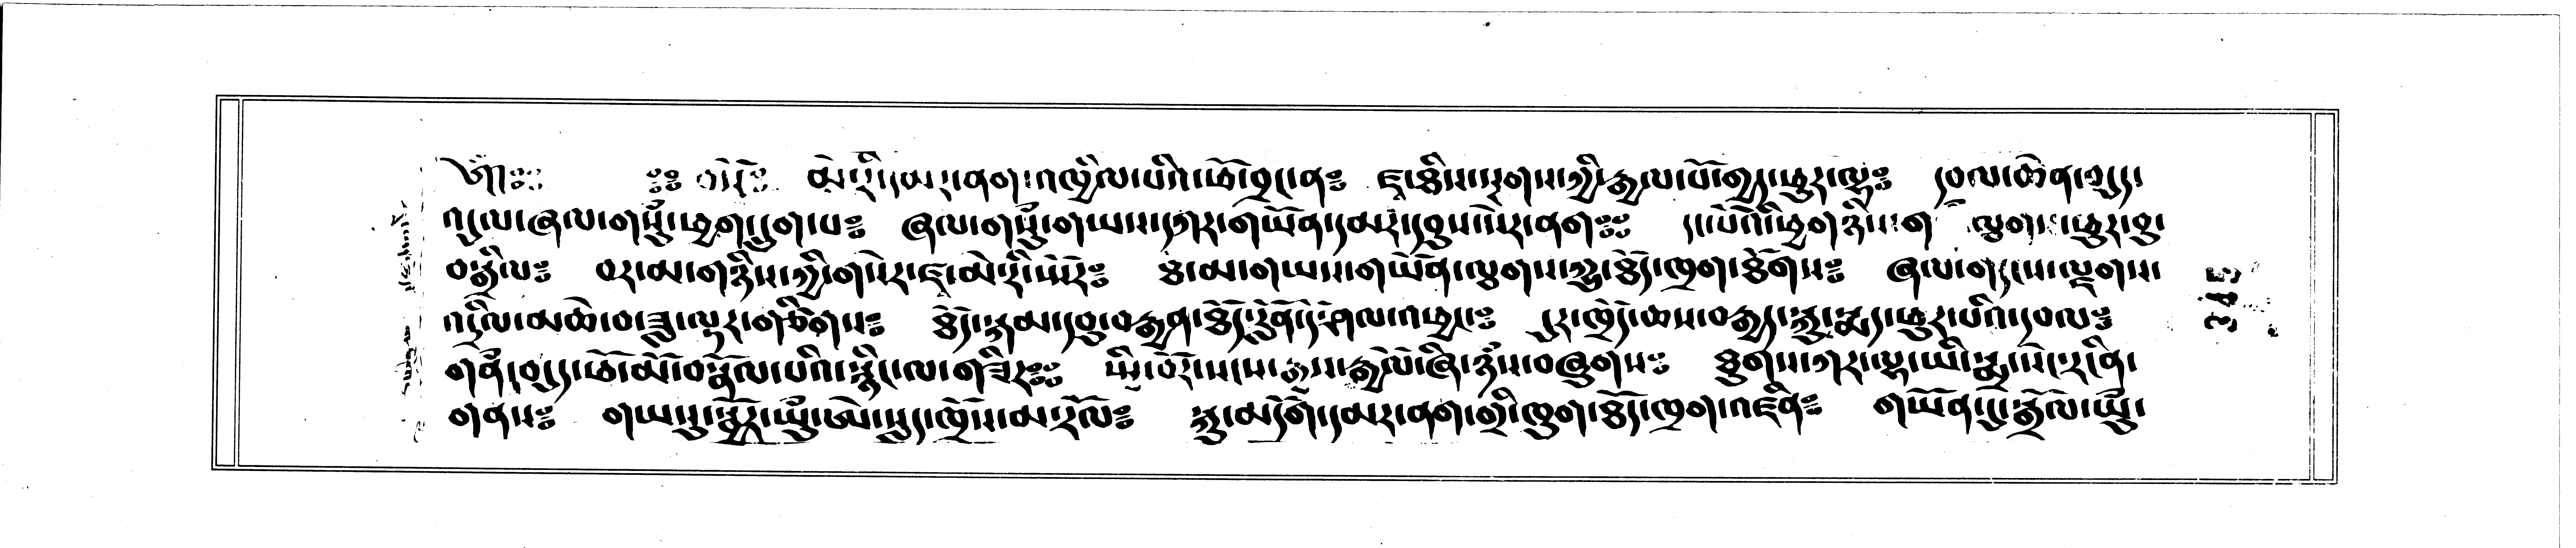༔༔བསྭོཿ མེ་རི་དམར་ནག་འཁྱིལ་པའི་ཕོ་བྲང་ན༔ ཛྭ་ཐིས་སྔགས་ཀྱི་རྒྱལ་པོ་གྱད་ཕུར་ལྷ༔ དབལ་ཆེན་བདུད་
འདུལ་ཞལ་གསུམ་ཕྱག་དྲུག་པ༔ ཞལ་གསུམ་གཡས་དཀར་གཡོན་དམར་དབུས་སེར་ནག༔༔ དང་པོའི་ཕྱག་གཉིས་གནམ་ལྕགས་ཕུར་བུ་
བསྒྲིལ༔ བར་མ་གཉིས་ཀྱིས་གསེར་ཛྭ་མེ་རི་སྤར༔ ཐ་མ་གཡས་གཡོན་ལྕགས་ཀྱུ་ཐོད་ཁྲག་ཐོགས༔ ཞལ་གདངས་ལྗགས་
འདྲིལ་མཆེ་བ་ཟླ་ལྟར་གཙིགས༔ ཐོད་སྐམ་དབུ་བརྒྱན་ཐོད་རློན་དོ་ཤལ་འཕྱང་༔ དུར་ཁྲོད་ཆས་བརྒྱད་སྐུ་སྨད་ཕུར་པའི་དབལ༔ 
གནམ་བདུད་ཕོ་མོ་བསྣོལ་བའི་སྙིང་ལ་གཟིར༔༔ སྤྱི་བོར་སངས་རྒྱས་རྒྱལ་པོ་ཞི་ཉམས་བཞུགསཿ ཐུགས་ཀར་ལྷ་ཡི་སྨྲ་སེང་རང་བཞིན་
གནས༔ གཡས་སུ་སྦྱོར་ཡུམ་ཨེ་སླད་ཁྲོས་མ་རོལ༔ སྐུ་མདོག་དམར་ནག་གྲི་ཁུག་ཐོད་ཁྲག་འཛིན༔ གཡོན་དུ་སྒྲོལ་ཡུམ་